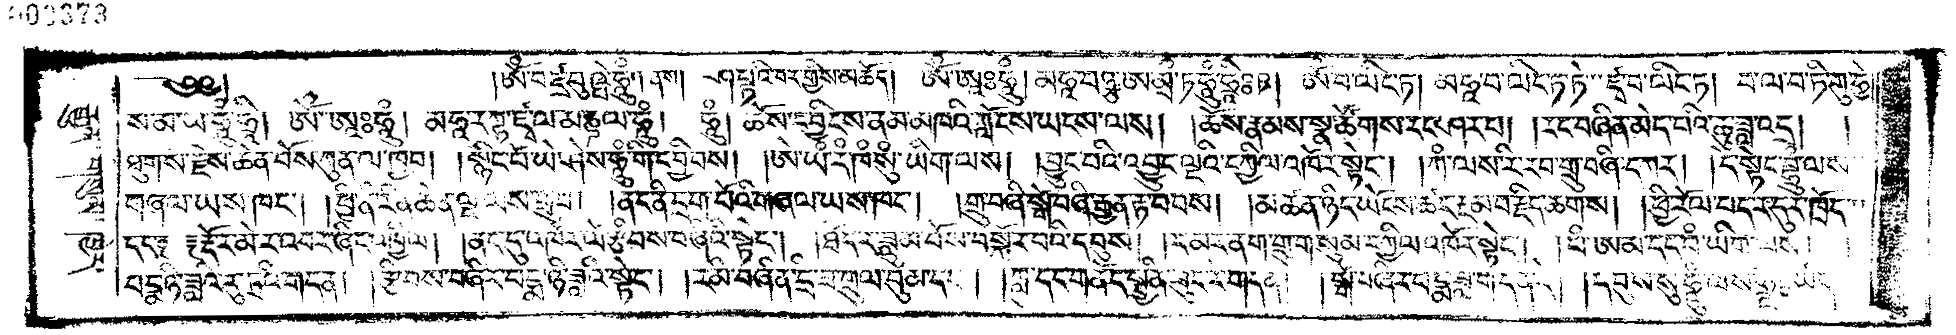༄༅། །ཨོཾ་བཛྲ་བུཥྤེ་ཧཱུཾ། ནས།  ཤཔྟའི་བར་གྱིས་མཆོད།  ཨོཾ་ཨཱཿ ཧཱུཾ། མཧཱ་པཉྩ་ཨ་མྲྀ་ཏ་ཧཱུཾ་ཧྲཱིཿ ཊཿཨ། ཨོཾ་བ་ལིང་ཏ། མཧཱ་བ་ལིང་ཏ་ཏེ་ཛྭ་བ་ལིང་ཏ། བ་ལ་བ་ཏི་གུ་ཧྱེ།
ས་མ་ཡ་ཧཱུཾ་ཧྲཱི། ཨོཾ་ཨཱཿ ཧཱུཾ། མཧཱ་རཀྟ་ཛྭ་ལ་མཎྜལ་ཧཱུཾ། ཧཱུཾ། ཆོས་དབྱིངས་ནམ་མཁའི་ཀློངས་ཡངས་ལས། །ཆོས་རྣམས་སྣ་ཚོགས་རང་ཤར་བ། །རང་བཞིན་མེད་པའི་ཆུ་ཟླ་འདྲ། །
ཐུགས་རྗེས་ཆེན་པོས་ཀུན་ལ་ཁྱབ། །སྙིང་པོ་ཡེ་ཤེས་ཧཱུཾ་གི་དབྱིབས། །ཨེ་ཡཾ་རཾ་ཁཾ་སུཾ་ཡིག་ལས། །བྱུང་བའི་འབྱུང་ལྔའི་དཀྱིལ་འཁོར་སྟེང་། །ཀཾ་ལས་རི་རབ་གྲུ་བཞི་དཀར། །དེ་སྟེང་བྷྲུཾ་ལས་
གཞལ་ཡས་ཁང་། །ཕྱི་ནི་རིན་ཆེན་ལྔ་ལས་གྲུབ། །ནང་ནི་དྲག་པོའི་གཞལ་ཡས་ཁང་། །གྲུ་བཞི་སྒོ་བཞི་རྒྱན་རྟ་བབས། །མཚན་ཉིད་ཡོངས་ཚང་རྔམ་བརྗིད་ཆགས། །ཕྱི་རོལ་པད་ར་དུར་ཁྲོད་
དང༑ ༑རྡོ་ར་མེ་ར་འབར་ཞིང་འཁྱིལ། །ནང་དུ་འཁོར་ལོ་རྩིབས་བཞིའི་སྟེང་། །ཐོད་ར་ཟླུམ་པོས་བསྐོར་བའི་དབུས། །དམར་ནག་གྲུ་གསུམ་དཀྱིལ་འཁོར་སྟེང་། །པཾ་ཨ་མ་དང་བཾ་ཡིག་ལས། །
པདམ་ཉི་ཟླའི་རུ་ཏྲའི་གདན། །རྩིབས་བཞིར་པདམ་ཉི་ཟླའི་སྟེང་། །རིམ་བཞིན་དྲི་ཟ་གྲུལ་བུམ་དང་། །ཀླུ་དང་གནོད་སྦྱིན་ཟུང་རེ་གདན། །སྒོ་བཞིར་པདམ་ཟླ་གདན་རེ། །དབུས་སུ་ཧཱུཾ་ལས་ཧྲཱིཿ ཡིག་